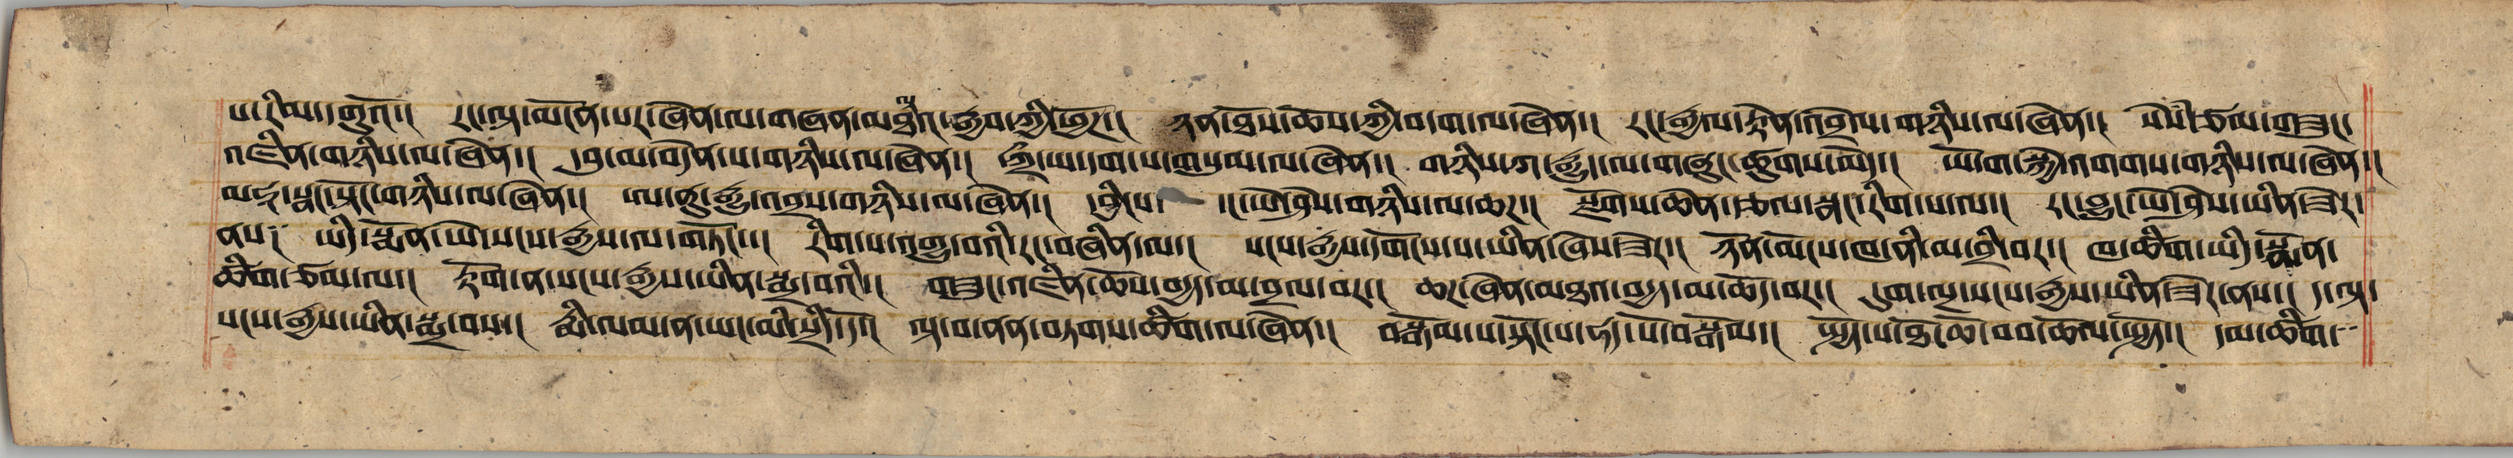པ་རིམ་དགུའོ་། རང་ལྟ་མངོན་པར་ཞེན་ལ་གཞན་མཐའ་རྒྱབ་ཀྱི་ཕྱོཌ་། ཉན་ཐོས་ཆོས་ཀྱི་བདག་ལ་ཞེན་། རང་རྒྱལ་རྟེན་འབྲེལ་གཉིས་ལ་ཞེན་། སེཾས་ཙམ་གཟུང་
འཛིན་གཉིས་ལ་ཞེན་། དབུ་མ་བདེན་པ་གཉིས་ལ་ཞེན་། ཀྲྀ་ཡ་དག་པ་གསུམ་ལ་ཞེན་། གཉིས་ཀ་རྒྱུད་ལ་གཞུང་ཚུགས་མེད་། ཡོ་ག་སྐྱེ་འགགས་གཉིས་ལ་ཞེན་།
མཧཱ་སྣང་སྟོང་གཉིས་ལ་ཞེན་། ཨ་ནུ་རྒྱུ་འབྲས་གཉིས་ལ་ཞེན་། དབྱིངས་ དང་ཡེ་ཤེས་གཉིས་ལ་ཆཌ་། སྫོགས་ཆེན་རྩལ་སྣང་རིག་པ་ལ་། རང་བྱུང་ཡེ་ཤེས་ཡིན་ཟེར་
ནས། ཡིད་སྨོན་ཡེ་སངས་རྒྱས་ལ་གཏོང་་། རིག་པ་འགྱུ་བའི་རང་བཞིན་ལ་། སངས་རྒྱས་དགོངས་པ་ཡིན་ཞེས་ཟེར་། ཉོན་མོངས་ཁ་ནི་མ་བྲི་བར་། ཁ་ཚིག་ཡིད་སྨོན་
ཚིག་ཙམ་ལ་། རྟོག་ན་སངས་རྒྱས་ཡིན་སྨྲ་བའི་། གཟུང་འཛིན་ཆོས་བདྱད་མ་བྲལ་བར་། ཆཌ་ཞེན་མཐའ་བདྱད་མ་ཆོད་བར་། དུག་ལྔ་སངས་རྒྱས་ཡིན་ཟེར་ནས་། ད་ལྟ་
སངས་རྒྱས་ཡིན་སྨྲ་བས་། རྨི་ལམ་ནཾ་ཡང་མི་སྲིད་དོ་། ལྟ་བ་ནན་བཏགས་ཚིག་ལ་ཞེན་། བསྒོམ་པ་སྟོང་པ་ཧད་པོ་བསྒོམ་། སྤྱོད་པ་ཐོ་ཆོ་བབ་ཆོལ་སྤྱོད་། དམ་ཚིག་